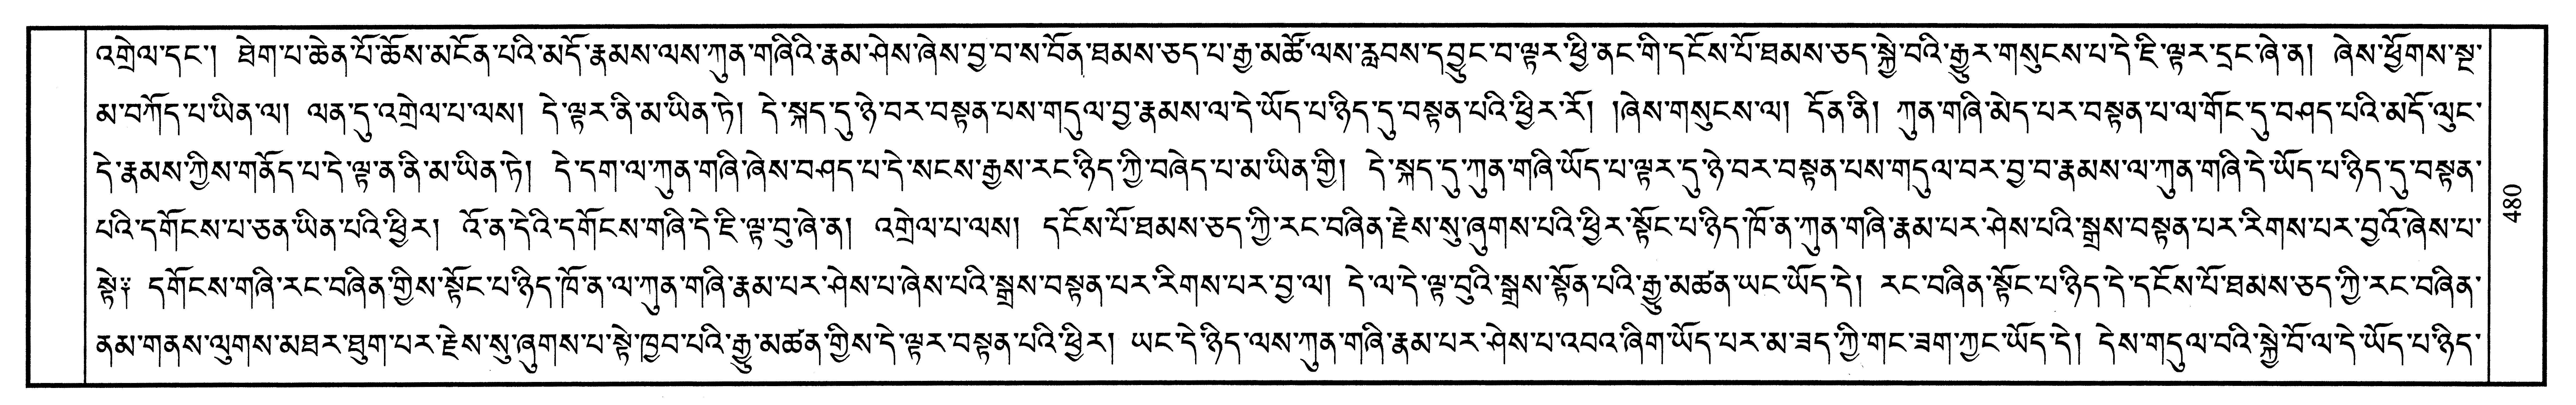འགྲེལ་དང་། ཐེག་པ་ཆེན་པོ་ཆོས་མངོན་པའི་མདོ་རྣམས་ལས་ཀུན་གཞིའི་རྣམ་ཤེས་ཞེས་བྱ་བ་ས་བོན་ཐམས་ཅད་པ་རྒྱ་མཚོ་ལས་རླབས་དབྱུང་བ་ལྟར་ཕྱི་ནང་གི་དངོས་པོ་ཐམས་ཅད་སྐྱེ་བའི་རྒྱུར་གསུངས་པ་དེ་ཇི་ལྟར་དྲང་ཞེ་ན། ཞེས་ཕྱོགས་སྔ་
མ་བཀོད་པ་ཡིན་ལ། ལན་དུ་འགྲེལ་པ་ལས། དེ་ལྟར་ནི་མ་ཡིན་ཏེ། དེ་སྐད་དུ་ཉེ་བར་བསྟན་པས་གདུལ་བྱ་རྣམས་ལ་དེ་ཡོད་པ་ཉིད་དུ་བསྟན་པའི་ཕྱིར་རོ། །ཞེས་གསུངས་ལ། དོན་ནི། ཀུན་གཞི་མེད་པར་བསྟན་པ་ལ་གོང་དུ་བཤད་པའི་མདོ་ལུང་
དེ་རྣམས་ཀྱིས་གནོད་པ་དེ་ལྟ་ན་ནི་མ་ཡིན་ཏེ། དེ་དག་ལ་ཀུན་གཞི་ཞེས་བཤད་པ་དེ་སངས་རྒྱས་རང་ཉིད་ཀྱི་བཞེད་པ་མ་ཡིན་གྱི། དེ་སྐད་དུ་ཀུན་གཞི་ཡོད་པ་ལྟར་དུ་ཉེ་བར་བསྟན་པས་གདུལ་བར་བྱ་བ་རྣམས་ལ་ཀུན་གཞི་དེ་ཡོད་པ་ཉིད་དུ་བསྟན་
པའི་དགོངས་པ་ཅན་ཡིན་པའི་ཕྱིར། འོ་ན་དེའི་དགོངས་གཞི་དེ་ཇི་ལྟ་བུ་ཞེ་ན། འགྲེལ་པ་ལས། དངོས་པོ་ཐམས་ཅད་ཀྱི་རང་བཞིན་རྗེས་སུ་ཞུགས་པའི་ཕྱིར་སྟོང་པ་ཉིད་ཁོ་ན་ཀུན་གཞི་རྣམ་པར་ཤེས་པའི་སྒྲས་བསྟན་པར་རིགས་པར་བྱའོ་ཞེས་པ་
སྟེ༑ དགོངས་གཞི་རང་བཞིན་གྱིས་སྟོང་པ་ཉིད་ཁོ་ན་ལ་ཀུན་གཞི་རྣམ་པར་ཤེས་པ་ཞེས་པའི་སྒྲས་བསྟན་པར་རིགས་པར་བྱ་ལ། དེ་ལ་དེ་ལྟ་བུའི་སྒྲས་སྟོན་པའི་རྒྱུ་མཚན་ཡང་ཡོད་དེ། རང་བཞིན་སྟོང་པ་ཉིད་དེ་དངོས་པོ་ཐམས་ཅད་ཀྱི་རང་བཞིན་
ནམ་གནས་ལུགས་མཐར་ཐུག་པར་རྗེས་སུ་ཞུགས་པ་སྟེ་ཁྱབ་པའི་རྒྱུ་མཚན་གྱིས་དེ་ལྟར་བསྟན་པའི་ཕྱིར། ཡང་དེ་ཉིད་ལས་ཀུན་གཞི་རྣམ་པར་ཤེས་པ་འབའ་ཞིག་ཡོད་པར་མ་ཟད་ཀྱི་གང་ཟག་ཀྱང་ཡོད་དེ། དེས་གདུལ་བའི་སྐྱེ་བོ་ལ་དེ་ཡོད་པ་ཉིད་